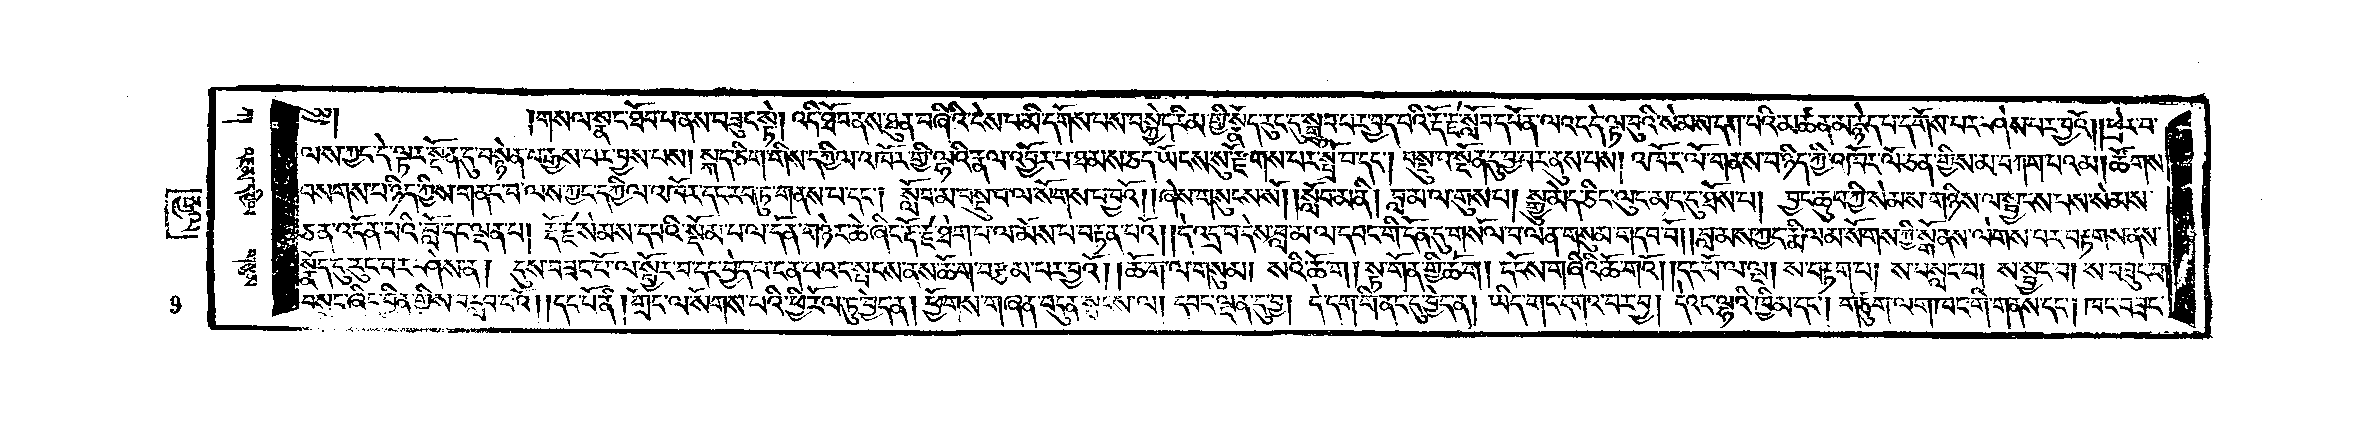༄༅། །གསལ་སྣང་ཐོབ་པ་ནས་བཟུང་སྟེ། འདི་ཐོབ་ནས་ཐུན་བཞིའི་ངེས་པ་མི་དགོས་པས་བསྐྱེད་རིམ་གྱི་སྣོད་རུང་དུ་སྒྲུབ་པར་བྱད་པའི་རྡོ་རྗེ་སློབ་དཔོན་ལའང་དེ་ལྟ་བུའི་སེམས་དག་པའི་མཚན་མ་རྙེད་པ་དགོས་པར་ཤེས་པར་བྱའོ། །ཕྲེར་བ་
ལས་ཀྱང་དེ་ལྟར་སྔོན་དུ་བསྙེན་པ་རྒྱས་པར་བྱས་པས། སྐད་ཅིག་གིས་དཀྱིལ་འཁོར་གྱི་ལྷའི་རྣལ་འབྱོར་པ་ཐམས་ཅད་ཡོངས་སུ་རྫོགས་པར་སྤྲོ་བ་དང་། བསྡུ་བ་སྔོན་དུ་བྱ་བར་ནུས་པས། འཁོར་ལོ་གནས་པ་ཉིད་ཀྱི་འཁོར་ལོ་ཅན་གྱིས་མ་བཀག་པའམ། ཚོགས་
བསགས་པ་ཉིད་ཀྱིས་གནང་བ་ལས་ཀྱང་དཀྱིལ་འཁོར་དང་རབ་ཏུ་གནས་པ་དང་། སློབ་མ་བསྡུ་བ་ལ་སོགས་པ་བྱའོ། །ཞེས་གསུངས་སོ། །སློབ་མ་ནི། བླ་མ་ལ་གུས་པ། སྒྱུ་མེད་ཅིང་ལུང་མང་དུ་ཐོས་པ། བྱང་ཆུབ་ཀྱི་སེམས་གཉིས་ལ་སྦྱངས་པས་སེམས་
ཅན་འདོན་པའི་བློ་དང་ལྡན་པ། རྡོ་རྗེ་སེམས་དཔའི་སྡོམ་པ་ལ་དོན་གཉེར་ཆེ་ཞིང་རྡོ་རྗེ་ཐེག་པ་ལ་མོས་པ་བརྟན་པའོ། །དེ་འདྲ་བ་དེས་བླ་མ་ལ་དབང་གི་དོན་དུ་གསོལ་བ་ལན་གསུམ་གདབ་བོ། །བླ་མས་ཀྱང་རྨི་ལམ་སོགས་ཀྱི་སྒོ་ནས་ལེགས་པར་བརྟགས་ནས་
སྣོད་དུ་རུང་བར་ཤེས་ན། དུས་བཟང་པོ་ལ་སྦྱོར་བ་དང་བྱེད་པ་ངན་པའང་སྤངས་ནས་ཆོ་ག་བརྩམ་པར་བྱའོ། །ཆོ་ག་ལ་གསུམ། སའི་ཆོ་ག །སྟ་གོན་གྱི་ཆོ་ག །དངོས་གཞིའི་ཆོ་གའོ། །དང་པོ་ལ་ལྔ། ས་བརྟག་པ། ས་བསླང་བ། ས་སྦྱང་བ། ས་བཟུང་བ་
བསྲུང་ཞིང་བྱིན་གྱིས་བརླབ་པའོ། །དང་པོ་ནི་།གྲོང་ལ་སོགས་པའི་ཕྱི་རོལ་ཏུ་བྱེད་ན། ཕྱོགས་གཞན་བདུན་སྤངས་ལ། དབང་ལྡན་དུ་བྱ། དེ་དག་གི་ནང་དུ་བྱེད་ན། ཡིད་གང་དགའ་བར་བྱ། དེའང་ལྷའི་ཁྱིམ་དང་། གཙུག་ལག་ཁང་གི་གནས་དང་། ཁང་བཟང་